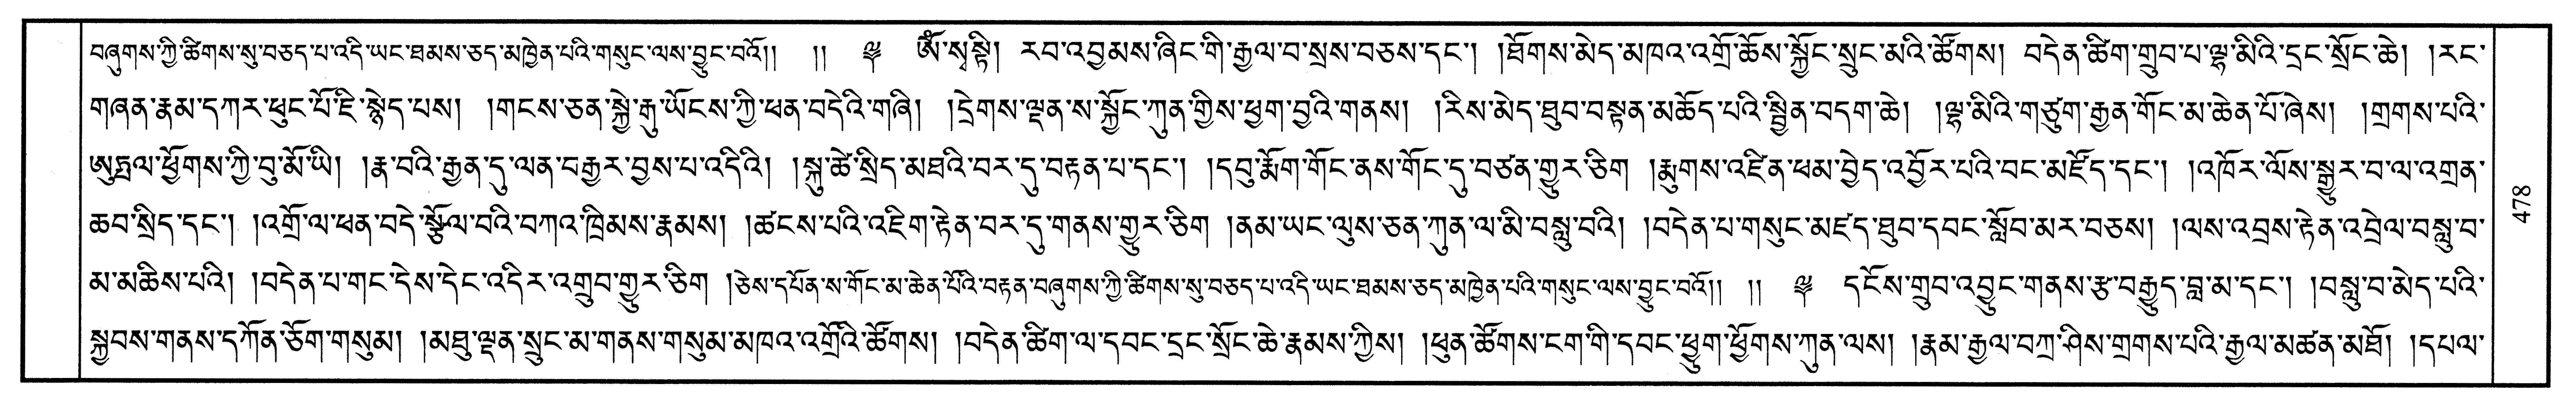བཞུགས་ཀྱི་ཚིགས་སུ་བཅད་པ་འདི་ཡང་ཐམས་ཅད་མཁྱེན་པའི་གསུང་ལས་བྱུང་བའོ།། །། ༈ ཨོཾ་སྭསྟི། རབ་འབྱམས་ཞིང་གི་རྒྱལ་བ་སྲས་བཅས་དང་། །ཐོགས་མེད་མཁའ་འགྲོ་ཆོས་སྐྱོང་སྲུང་མའི་ཚོགས། བདེན་ཚིག་གྲུབ་པ་ལྷ་མིའི་དྲང་སྲོང་ཆེ། །རང་
གཞན་རྣམ་དཀར་ཕུང་པོ་ཇི་སྙེད་པས། །གངས་ཅན་སྐྱེ་རྒུ་ཡོངས་ཀྱི་ཕན་བདེའི་གཞི། །དྲེགས་ལྡན་ས་སྐྱོང་ཀུན་གྱིས་ཕྱག་བྱའི་གནས། །རིས་མེད་ཐུབ་བསྟན་མཆོད་པའི་སྦྱིན་བདག་ཆེ། །ལྷ་མིའི་གཙུག་རྒྱན་གོང་མ་ཆེན་པོ་ཞེས། །གྲགས་པའི་
ཨུཏྤལ་ཕྱོགས་ཀྱི་བུ་མོ་ཡི། །རྣ་བའི་རྒྱན་དུ་ལན་བརྒྱར་བྱས་པ་འདིའི། །སྐུ་ཚེ་སྲིད་མཐའི་བར་དུ་བརྟན་པ་དང་། །དབུ་རྨོག་གོང་ནས་གོང་དུ་བཙན་གྱུར་ཅིག །རྨུགས་འཛིན་ཕམ་བྱེད་འབྱོར་པའི་བང་མཛོད་དང་། །འཁོར་ལོས་སྒྱུར་བ་ལ་འགྲན་
ཆབ་སྲིད་དང་། །འགྲོ་ལ་ཕན་བདེ་སྩོལ་བའི་བཀའ་ཁྲིམས་རྣམས། །ཚངས་པའི་འཇིག་རྟེན་བར་དུ་གནས་གྱུར་ཅིག །ནམ་ཡང་ལུས་ཅན་ཀུན་ལ་མི་བསླུ་བའི། །བདེན་པ་གསུང་མཛད་ཐུབ་དབང་སློབ་མར་བཅས། །ལས་འབྲས་རྟེན་འབྲེལ་བསླུ་བ་
མ་མཆིས་པའི། །བདེན་པ་གང་དེས་དེང་འདིར་འགྲུབ་གྱུར་ཅིག །ཅེས་དཔོན་ས་གོང་མ་ཆེན་པོའི་བརྟན་བཞུགས་ཀྱི་ཚིགས་སུ་བཅད་པ་འདི་ཡང་ཐམས་ཅད་མཁྱེན་པའི་གསུང་ལས་བྱུང་བའོ།། །། ༈ དངོས་གྲུབ་འབྱུང་གནས་རྩ་བརྒྱུད་བླ་མ་དང་། །བསླུ་བ་མེད་པའི་
སྐྱབས་གནས་དཀོན་ཅོག་གསུམ། །མཐུ་ལྡན་སྲུང་མ་གནས་གསུམ་མཁའ་འགྲོའི་ཚོགས། །བདེན་ཚིག་ལ་དབང་དྲང་སྲོང་ཆེ་རྣམས་ཀྱིས། །ཕུན་ཚོགས་ངག་གི་དབང་ཕྱུག་ཕྱོགས་ཀུན་ལས། །རྣམ་རྒྱལ་བཀྲ་ཤིས་གྲགས་པའི་རྒྱལ་མཚན་མཐོ། །དཔལ་